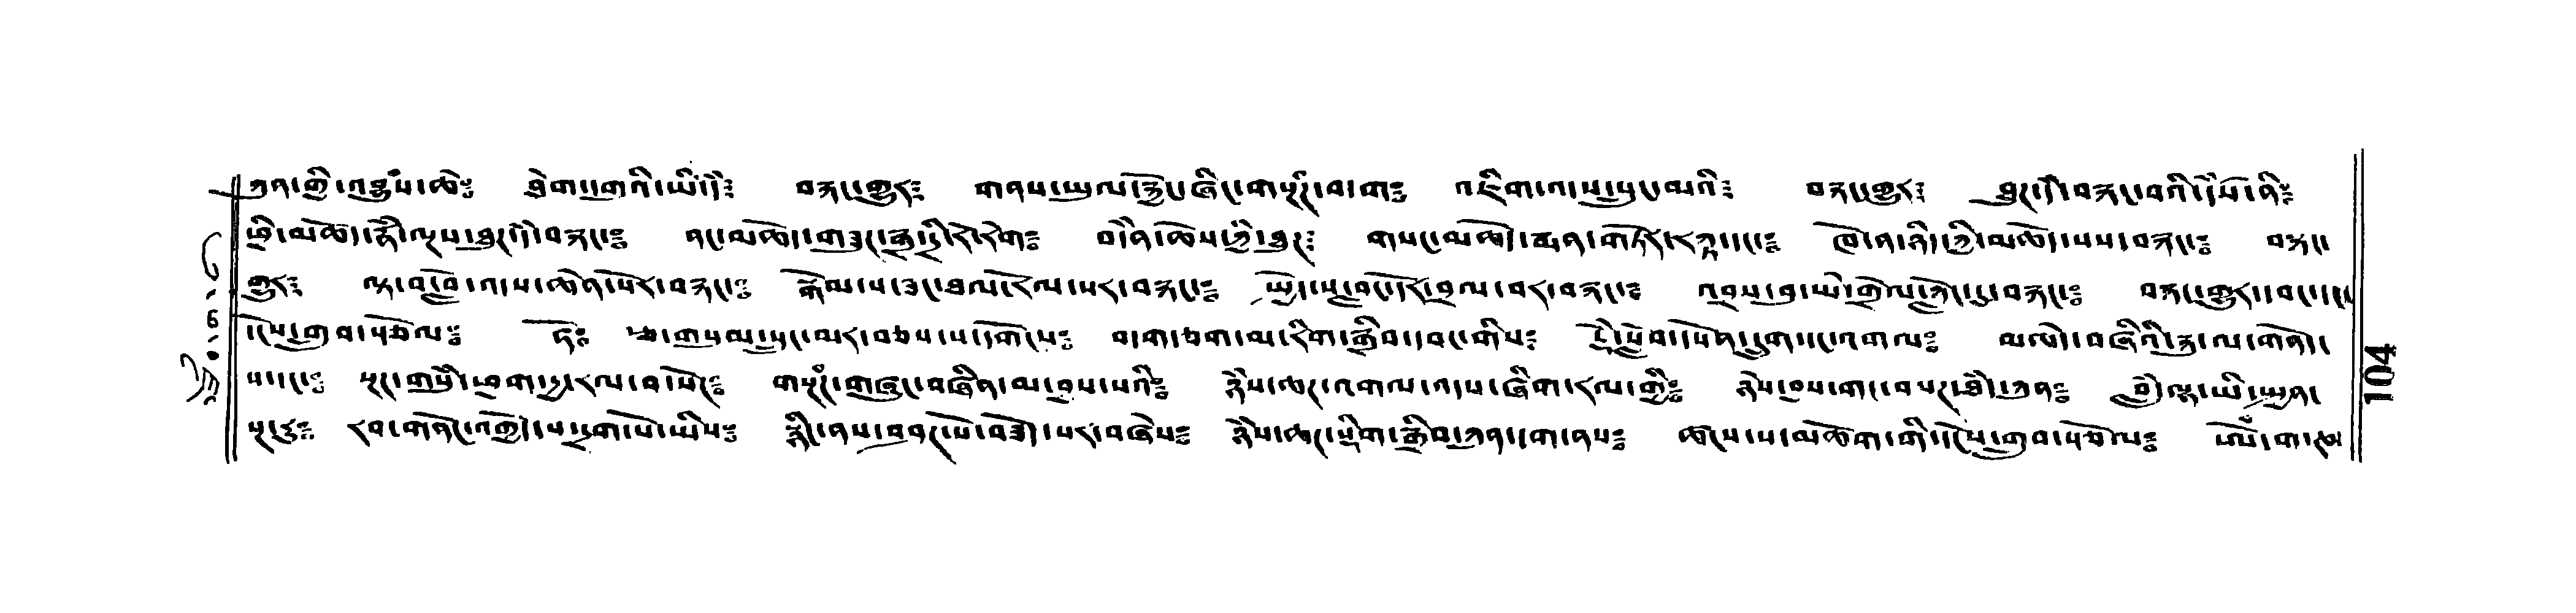ཀུན་གྱི་འབྱུང་གནས་ཆེཿ ཐེག་དགུའི་ཡི་དམ༴ བསྐང་གྱུར༴ གནས་ཡུལ་སྐྱོང་ཞིང་གསང་སྔགས་བདག༔ འཇིག་འདས་སྲུང་མའི༴ བསྐང་གྱུར༴ ཐུགས་དམ་བསྐང་བའི་དམ་རྫས་ནིཿ 
ཕྱི་མཆོད་རྣམ་ལྔས་ཐུགས་དམ་བསྐང༔ ནང་མཆོད་གཟུགས་སྒྲ་དྲི་རོ་རེག༔ བདེ་ཆེན་ཆོས་ཀྱི་ཐུགས༴ གསང་མཆོད་སྨན་གཏོར་རཀྟ་དང༔ ཁོ་ན་ཉིད་ཀྱི་མཆོད་པས་བསྐང༔ བསྐང་
གྱུར༴ ལྟ་བ་བློ་འདས་ཆེན་པོར་བསྐང༔ སྒོམ་པ་ཟང་ཐལ་རོལ་པར་བསྐང༔ སྤྱོད་པ་བླང་དོར་བྲལ་བར་བསྐང༔ འབྲས་བུ་ཡེ་གྲོལ་ཀློང་དུ་བསྐང༔བསྐང་གྱུར་དབང་དང
་དངོས་གྲུབ་སྩོལ༔ ཧོཿ རྩ་གསུམ་སྲུང་མར་བཅས་པ་དགོངས༔ བདག་ཅག་མ་རིག་སྒྲིབ་དབང་གིས༔ རྡོ་རྗེ་སློབ་དཔོན་དྲུག་དང་འགལ༔ མཆེད་བཞིའི་སྐུ་ལ་གནོད་
པ་དང༔ སྔགས་གསུམ་ཕྱག་རྒྱ་རལ་བ་སོགས༔ གསང་སྔགས་གཞུང་བཞིན་མ་བྱས་པའི༔ ཉམས་ཆག་འགལ་འདས་ཞིག་རལ་གྱི༔ ཉེས་བྱས་གང་བསགས་ཐམས་ཅད་ཀུན༔ བླ་མ་ལྷ་ཡི་སྤྱན་
སྔ་རུ༔ རབ་གནོང་འགྱོད་པ་དྲག་པོ་ཡིས༔ སྙིང་ནས་བཤགས་སོ་བཟོད་པར་བཞེས༔ ཉམས་ཆག་སྡིག་སྒྲིབ་ཀུན་དག་ནས༔ ཚངས་པ་མཆོག་གི་དངོས་གྲུབ་སྩོལ༔ ཨོཾ་ག་ཎ་